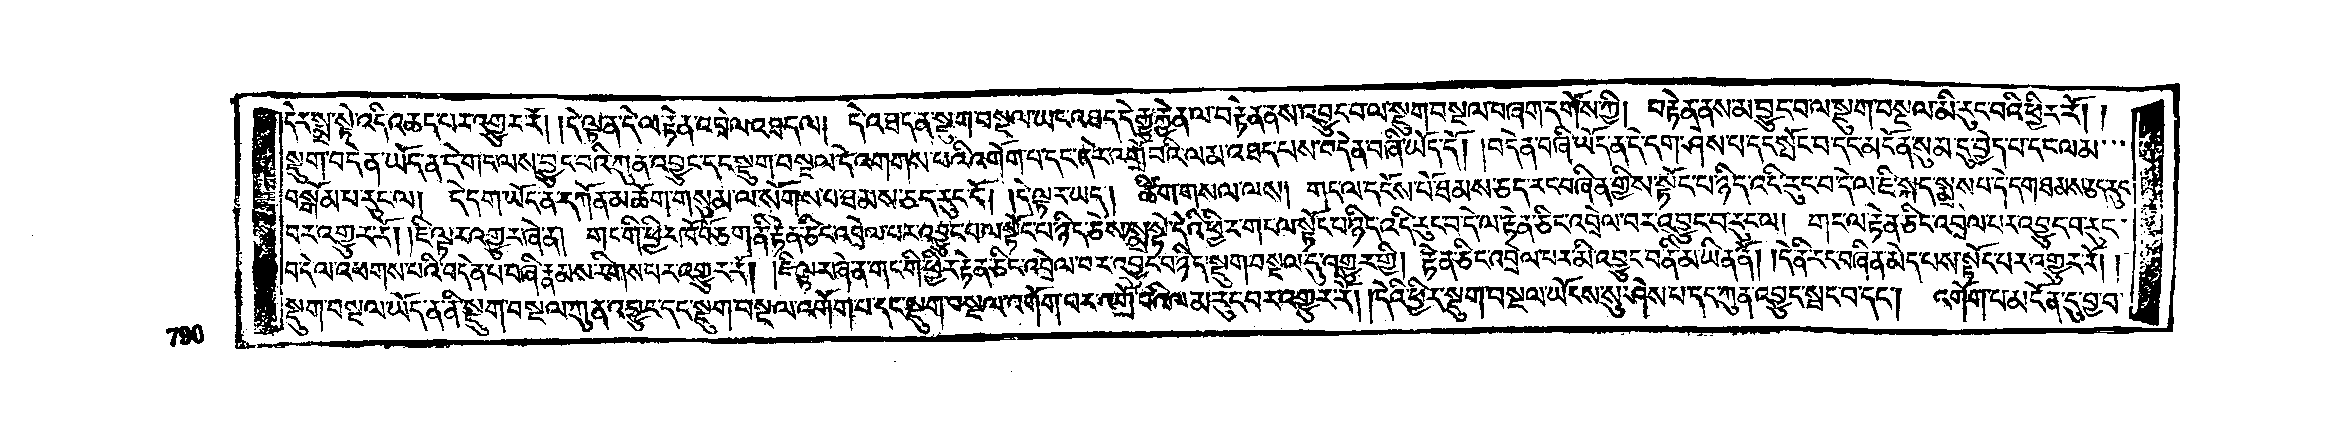དེར་སྨྲ་སྟེ་འདི་འཆད་པར་འགྱུར་རོ། །དེ་ལྟ་ན་དེ་ལ་རྟེན་འབྲེལ་འཐད་ལ། དེ་འཐད་ན་སྡུག་བསྔལ་ཡང་འཐད་དེ་རྒྱུ་རྐྱེན་ལ་བརྟེན་ནས་འབྱུང་བ་ལ་སྡུག་བསྔལ་བཞག་དགོས་ཀྱི། བརྟེན་ནས་མ་བྱུང་བ་ལ་སྡུག་བསྔལ་མི་རུང་བའི་ཕྱིར་རོ། །
སྡུག་བདེན་ཡོད་ན་དེ་གང་ལས་བྱུང་བའི་ཀུན་འབྱུང་དང་སྡུག་བསྔལ་དེ་འགགས་པའི་འགོག་པ་དང་དེར་འགྲོ་བའི་ལམ་འཐད་པས་བདེན་བཞི་ཡོད་དོ། །བདེན་བཞི་ཡོད་ན་དེ་དག་ཤེས་པ་དང་སྤོང་བ་དང་མངོན་སུམ་དུ་བྱེད་པ་དང་ལམ་
བསྒོམ་པ་རུང་ལ། དེ་དག་ཡོད་ན་དཀོན་མཆོག་གསུམ་ལ་སོགས་པ་ཐམས་ཅད་རུང་ངོ། །དེ་ལྟར་ཡང་། ཚིག་གསལ་ལས། གང་ལ་དངོས་པོ་ཐམས་ཅད་རང་བཞིན་གྱིས་སྟོང་པ་ཉིད་འདི་རུང་བ་དེ་ལ་ཇི་སྐད་སྨྲས་པ་དེ་དག་ཐམས་ཅད་རུང་
བར་འགྱུར་རོ། །ཇི་ལྟར་འགྱུར་ཞེ་ན། གང་གི་ཕྱིར་ཁོ་བོ་ཅག་ནི་རྟེན་ཅིང་འབྲེལ་པར་འབྱུང་བ་ལ་སྟོང་པ་ཉིད་ཅེས་སྨྲ་སྟེ་དེའི་ཕྱིར་གང་ལ་སྟོང་པ་ཉིད་འདི་རུང་བ་དེ་ལ་རྟེན་ཅིང་འབྲེལ་པར་འབྱུང་བ་རུང་ལ། གང་ལ་རྟེན་ཅིང་འབྲེལ་པར་འབྱུང་བ་རུང་
བ་དེ་ལ་འཕགས་པའི་བདེན་པ་བཞི་རྣམས་རིགས་པར་འགྱུར་རོ། །ཇི་ལྟར་ཞེ་ན་གང་གི་ཕྱིར་རྟེན་ཅིང་འབྲེལ་པར་འབྱུང་བ་ཉིད་སྡུག་བསྔལ་དུ་འགྱུར་གྱི། རྟེན་ཅིང་འབྲེལ་པར་མི་འབྱུང་བ་ནི་མ་ཡིན་ནོ། །དེ་ནི་རང་བཞིན་མེད་པས་སྟོང་པར་འགྱུར་རོ། །
སྡུག་བསྔལ་ཡོད་ན་ནི་སྡུག་བསྔལ་ཀུན་འབྱུང་དང་སྡུག་བསྔལ་འགོག་པ་དང་སྡུག་བསྔལ་འགོག་པར་འགྲོ་བའི་ལམ་རུང་བར་འགྱུར་རོ། །དེའི་ཕྱིར་སྡུག་བསྔལ་ཡོངས་སུ་ཤེས་པ་དང་ཀུན་འབྱུང་སྤང་བ་དང་། འགོག་པ་མངོན་དུ་བྱ་བ་